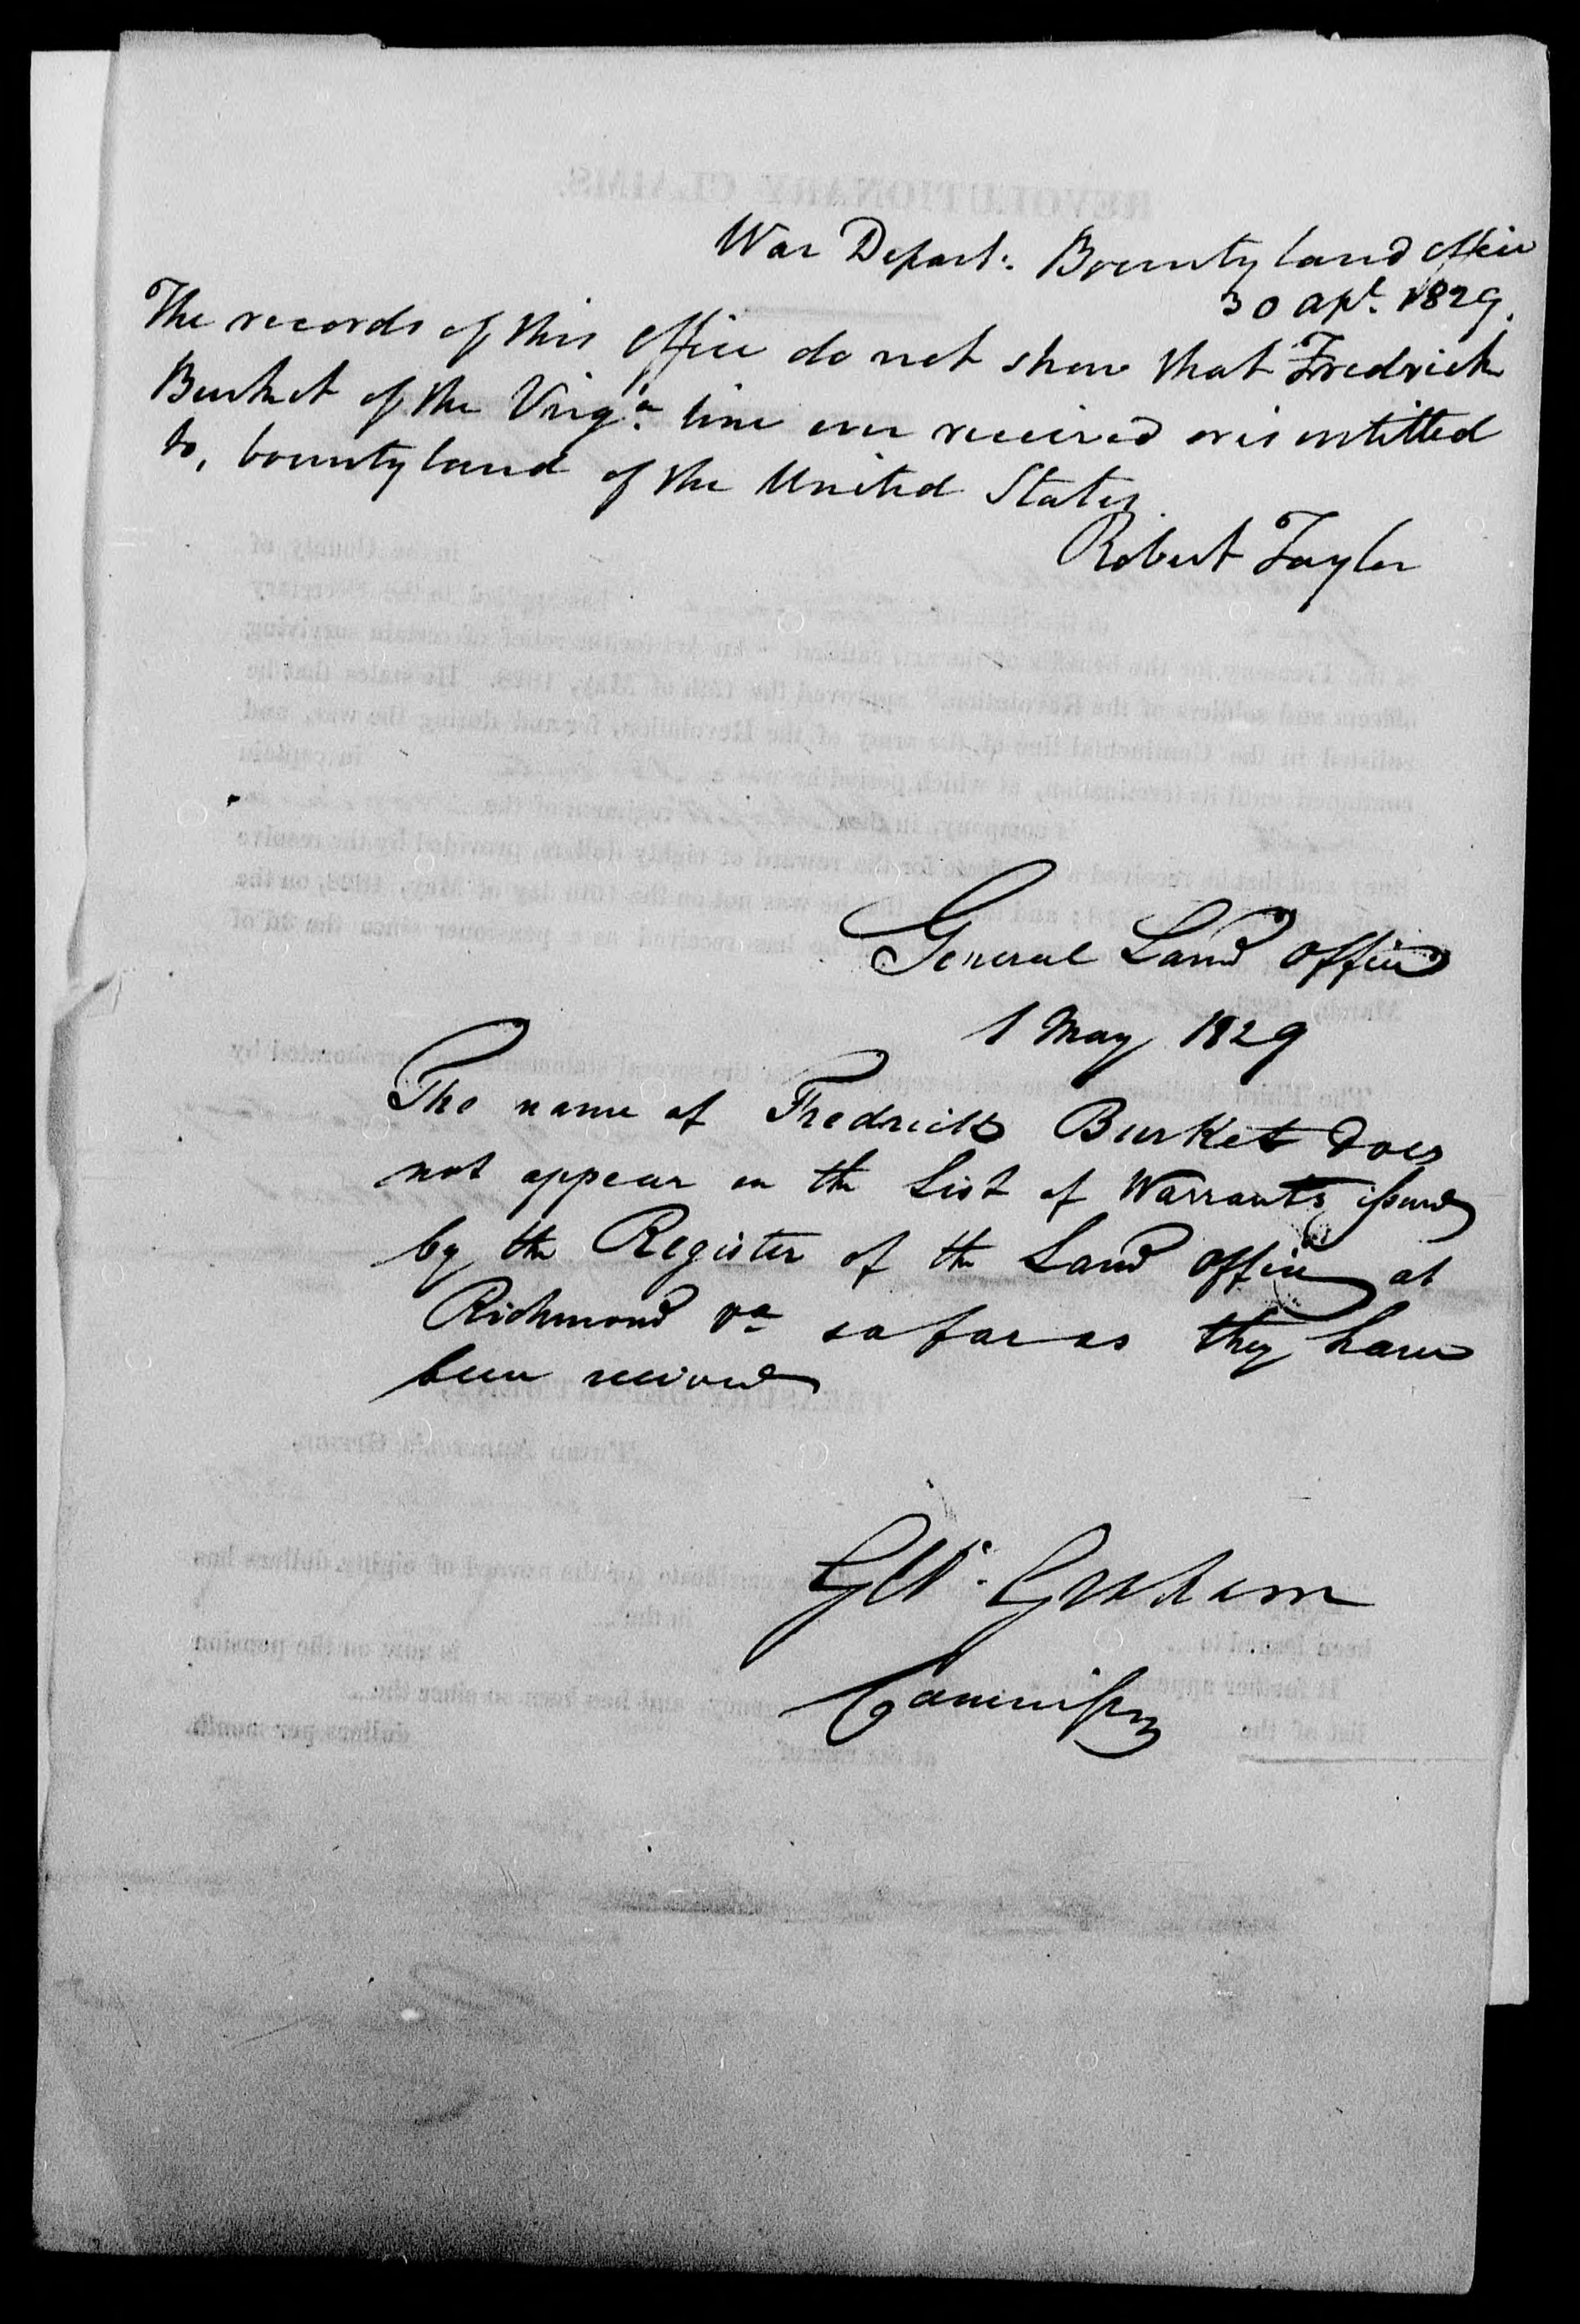War Depart. Bounty land office
30 apl. 1829.

The records of this office do not show that Fredrick Burket of the Virga line ever received or is entitled to, bounty land of the United States.

Robert Taylor

General Land Office
1 May 1829

The name of Fredrick Burket does not appear in the list of Warrants found by the Register of the same office at Richmond VA sofaras they have been received

G W Graham
Commissioner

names: G W Graham, Fredrick Burket, Robert Taylor, Fredrick Burket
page: 15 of 47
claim: survivor's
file: S. 3102, Frederick Burket, Va.